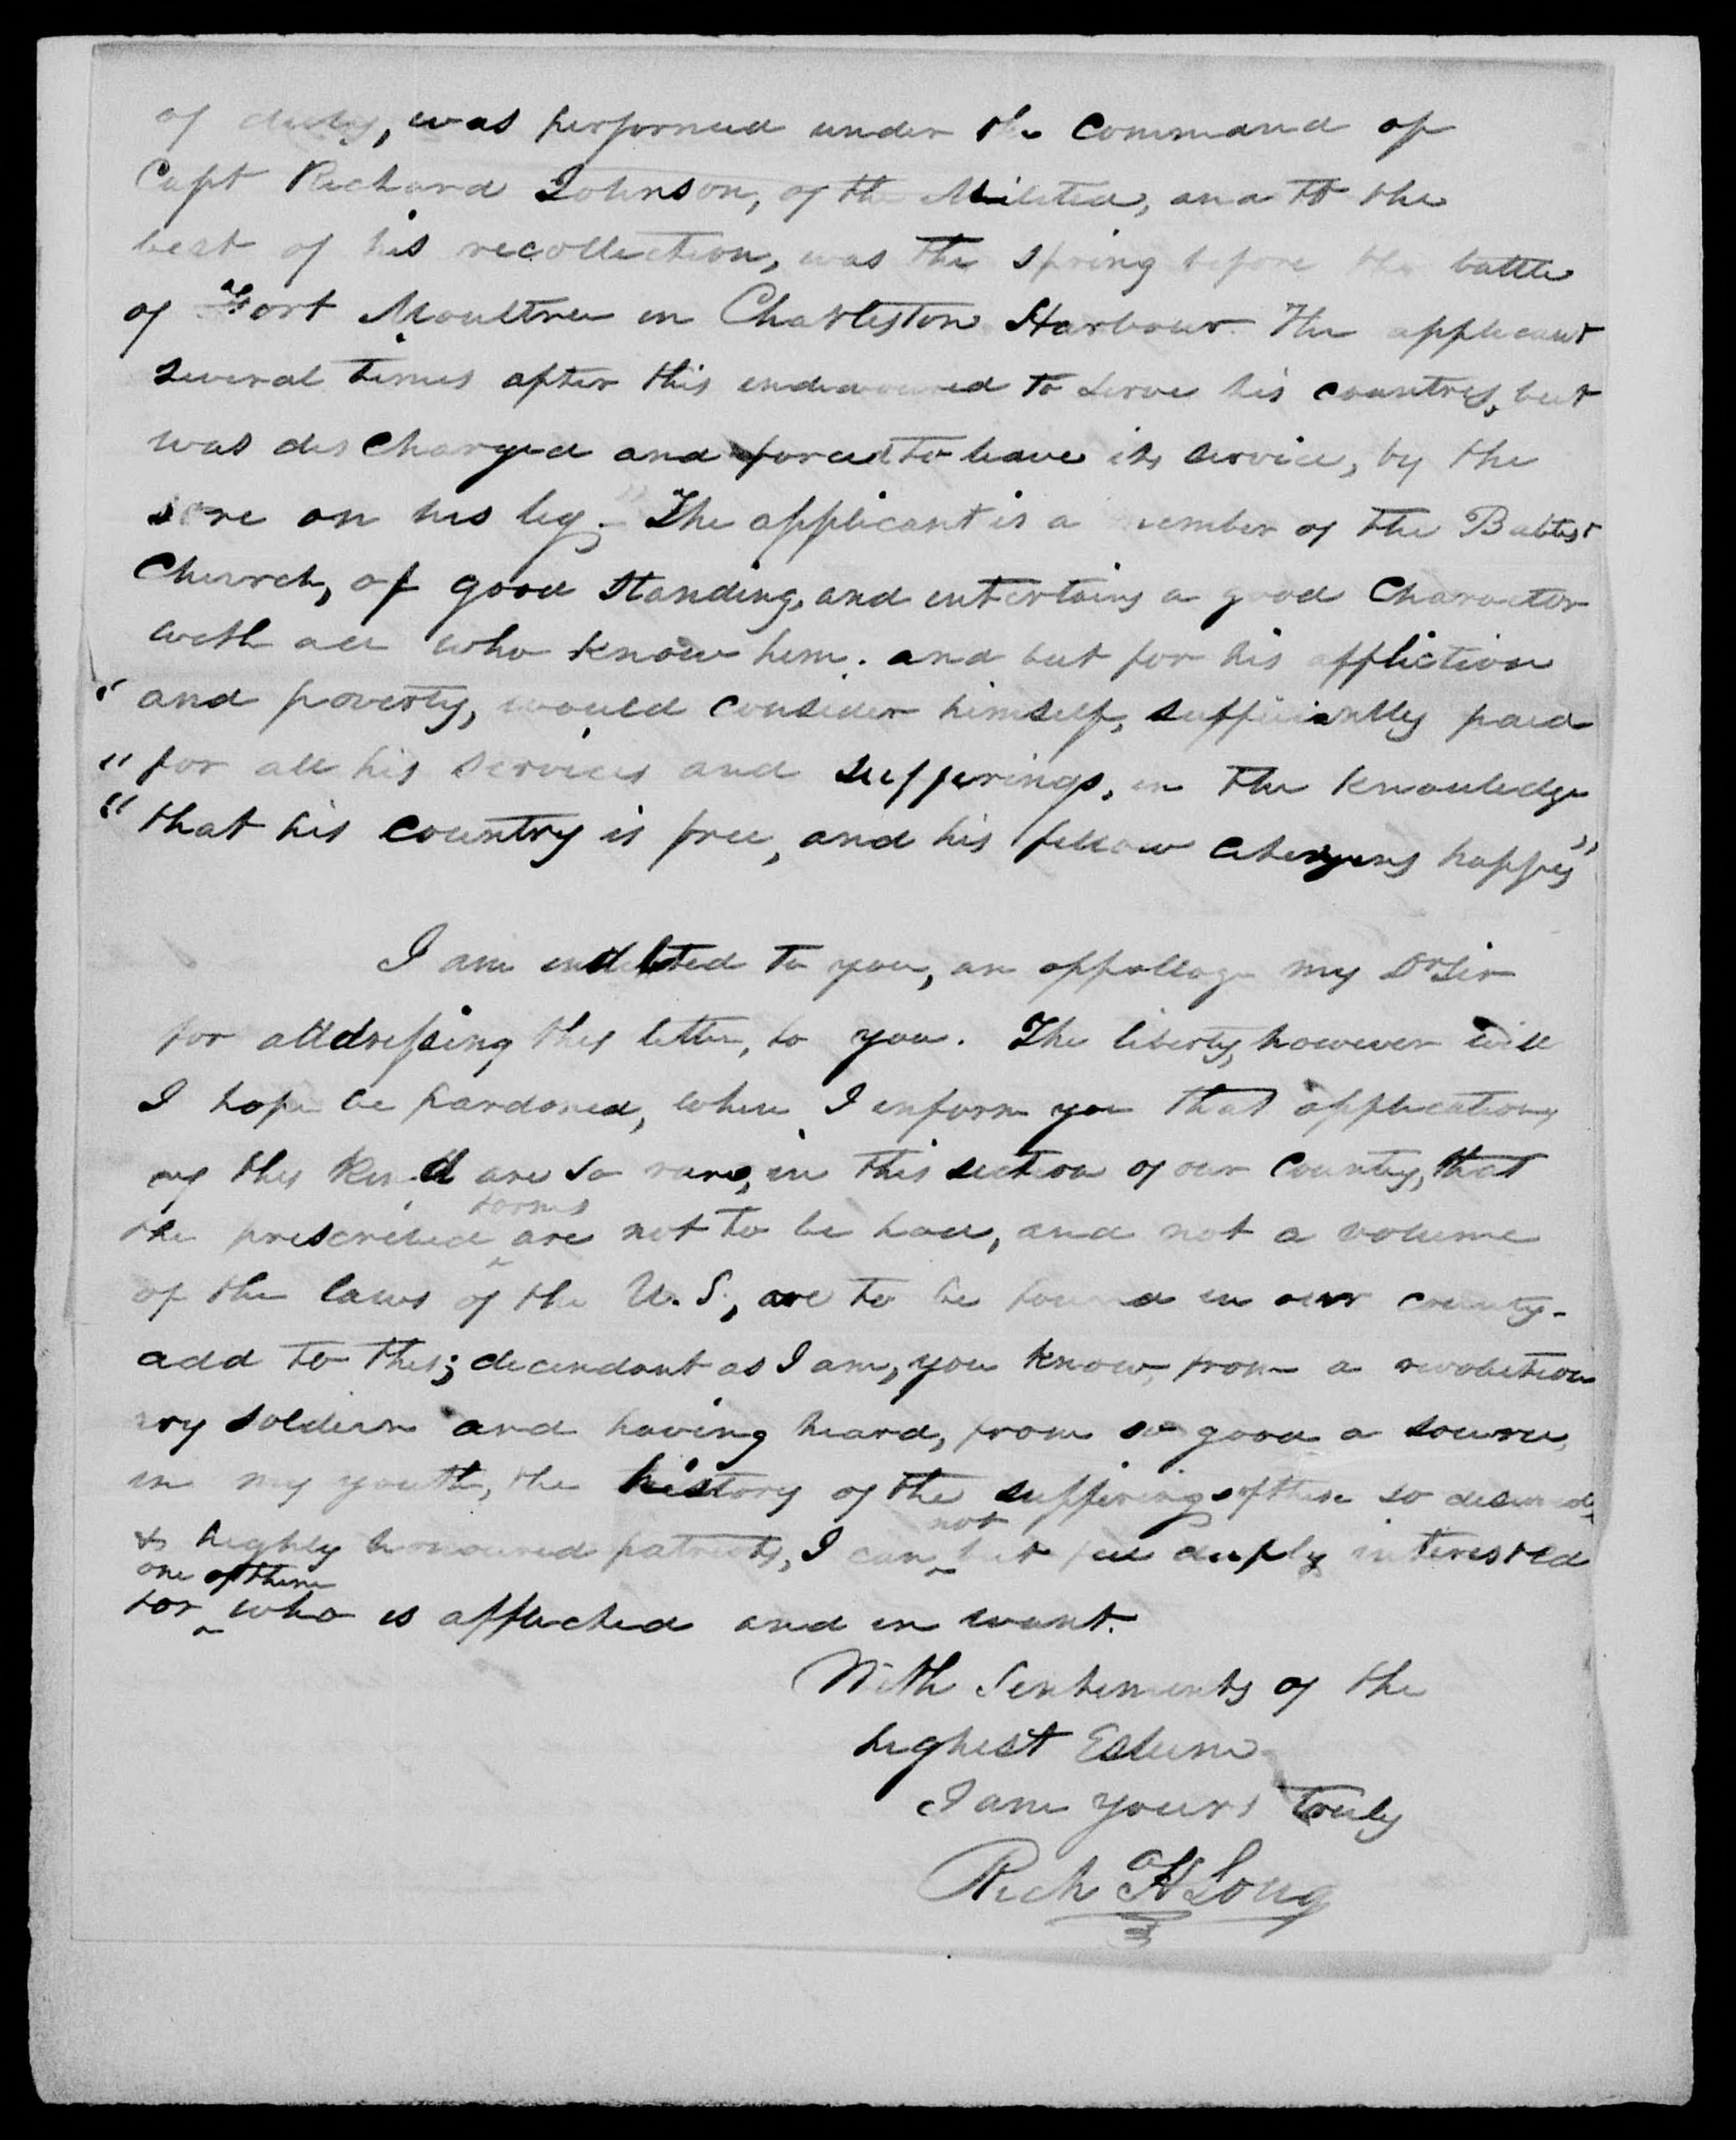of [duty], was performed under the command of Capt Richard Johnson, of the Militia, and to the best of his recollection, was the spring before the battle of Fort Moultrie in Charleston Harbour. The applicant several times after this endevoured to serve his country, but was discharged and forced to leave its service, by the sore on his leg. The applicant is a member of the Baptist Church, of good standing, and entertains a good character with all who know him. and but for his affliction and poverty, would consider himself sufficiently paid for all his services and sufferings, in the knowledge "that his county is free, and his fellow citizens happy"

I am indebted to you, an appology [apology] my Dr [Dear] Sir for addressing this letter to you. The liberty, however will I hope be pardoned, when I inform you that applications of this kind are so rare, in this section of our County, that prescribed forms are not to be had, and not a volume of the laws of the U.S., are to be found in our county, add to this; decendant as I am, you know, from a revolutionary soldier and having heard, from so good a source in my youth, the history of those so deserved & highly [illegible] patriots, I can not but feel deeply interested for one of them who is affected and in want.
With sentiments of the highest Esteem
I am yours truly
Rich'd H Long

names: Richd H Long, Richard Johnson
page: 9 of 14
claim: rejected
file: R. 4463, Hall Hudson, S.C.